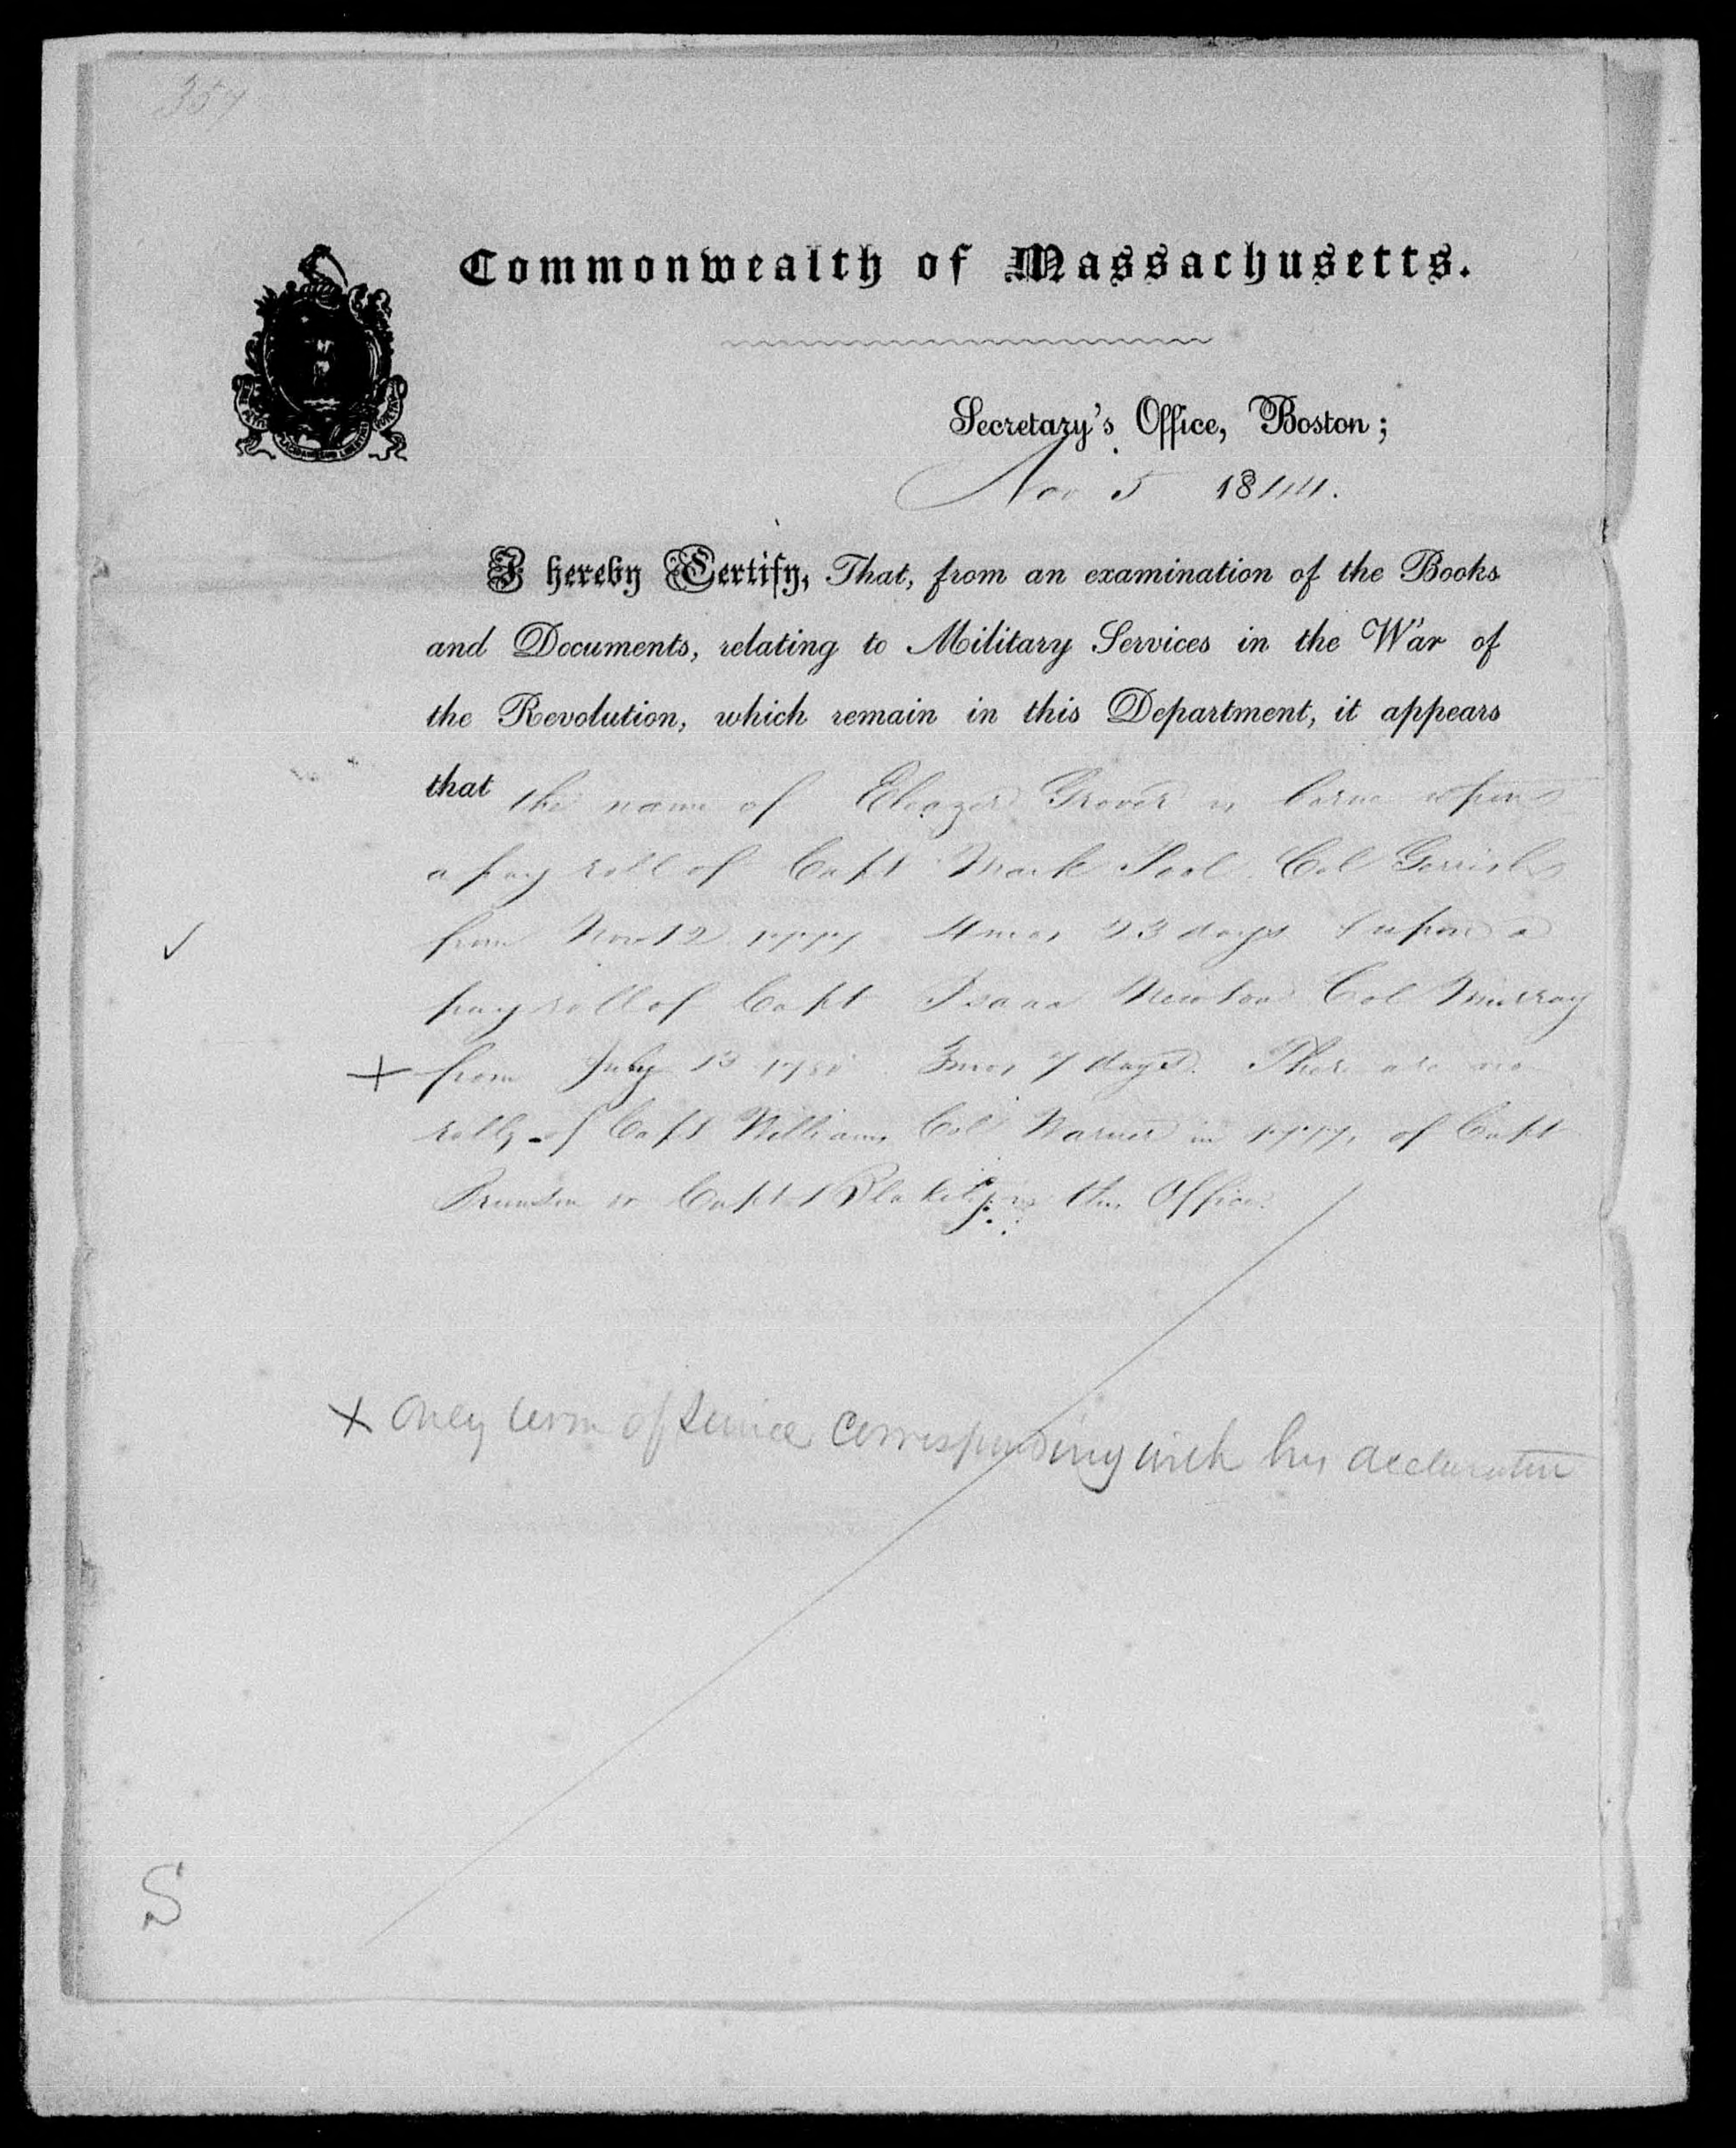Commonwealth of Massachusetts.
[official seal affixed]
Secretary's Office, Boston; Nov 5 1844.
I hereby Certify, That, from an examination of the Books and Documents, relating to Military Services in the War of the Revolution, which remain in this Department, it appears that the name of Eleazer Grover is borne upon a pay roll of Capt. Mark Pool, Col Garricks from Nov 12 1777 4 mos 23 days & upon a pay roll of Capt Isaac Newton Col Murray *from July 13 1780 3 mos 7 days. There are no rolls of Capt Williams Col Warner in 1777, of Capt Brunson or Capt Blakely in this Office. 
*only term of service corresponding with his declaration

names: Gerrish, Brunson, Blakely, Mark Seal, Eleazer Grover, Warner, Isaac Newton, Murray, Williams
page: 20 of 43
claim: survivor's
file: S. 28748, Eleazer Grover, Continental Mass. Vt.